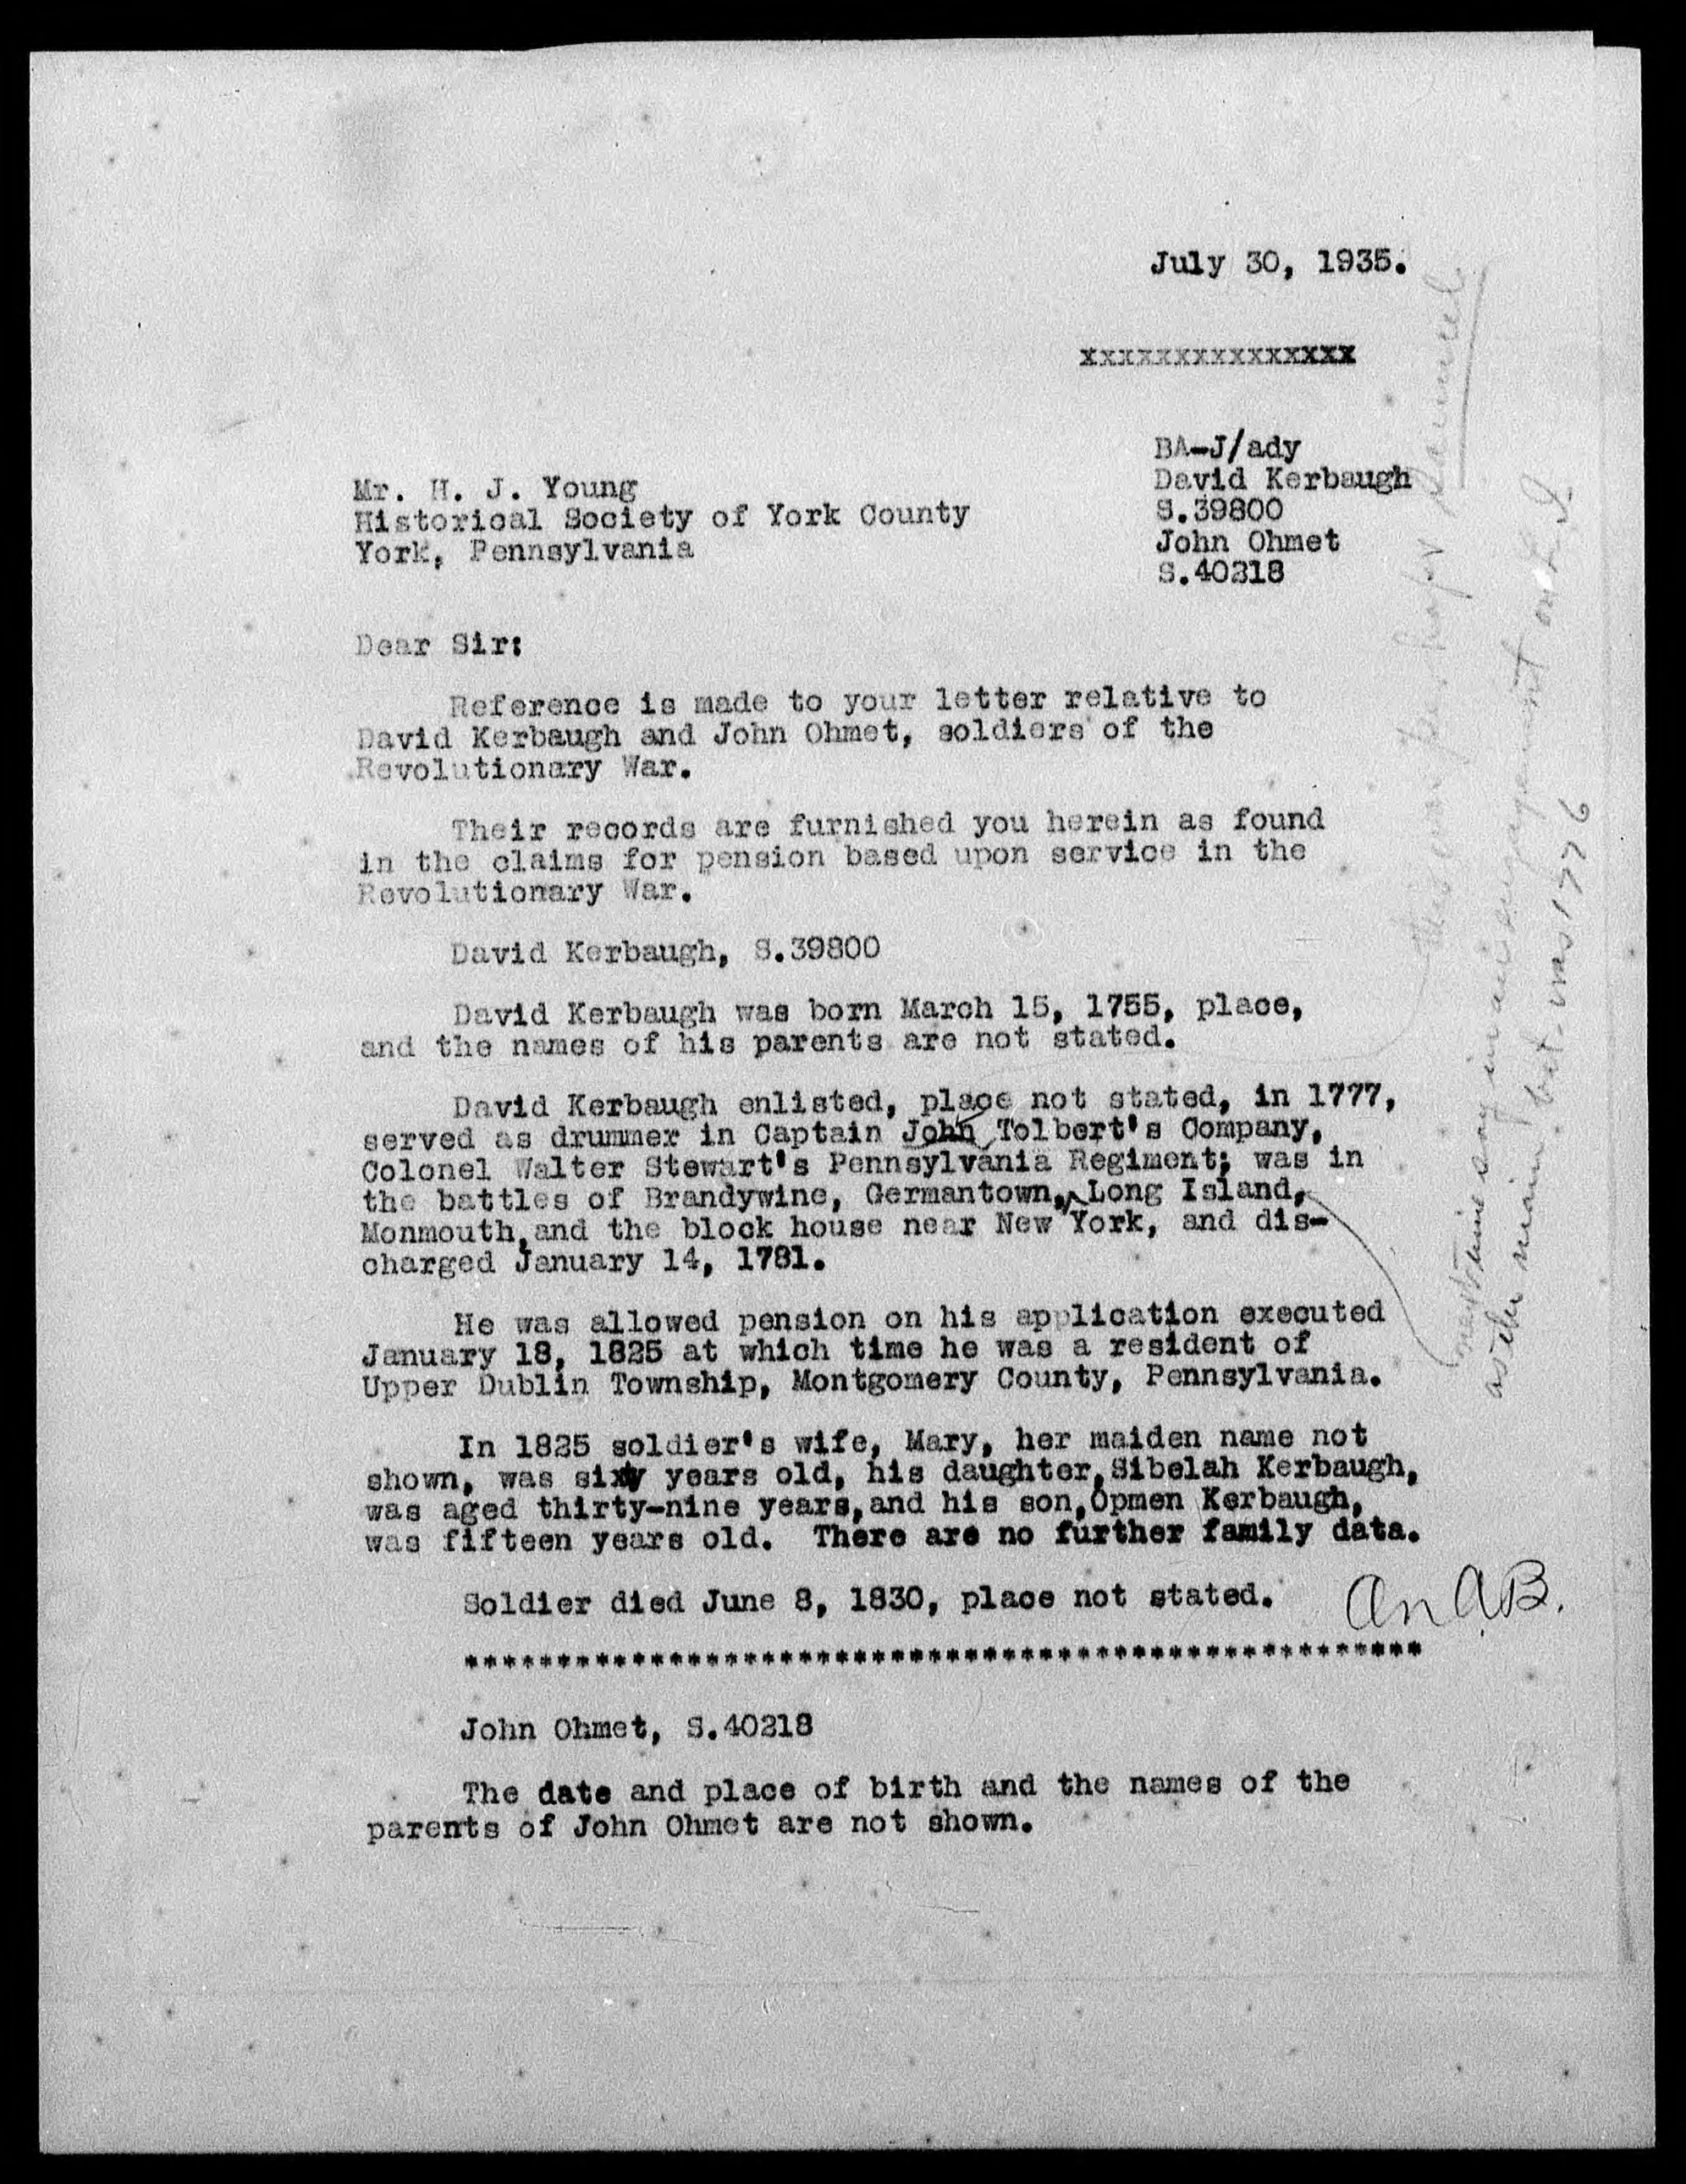July 30, 1935.
xxxxxxxxxxxx
BA-J/ady
David Kerbaugh
S.39800
John Ohmet
S.40218

Mr. H.J. Young
Historical Society of York County
York, Pennsylvania

Dear Sir:

    Reference is made to your letter relative to David Kerbaugh and John Ohmet, soldier of the Revolutionary War.

    Their records are furnished you herein as found in the claims for pension base upon service in the Revolutionary War.

David Kerbaugh, S.39800

David Kerbaugh was born March 15, 1755, place, and the names of his parents are not stated. 

David Kerbaugh enlisted, place not stated, in 1777, served as drummer in Captain John Tolbert's* Company, Colonel Walter Stewart's Pennsylvania Regiment; was in the battles of Brandywine, Germantown, Long Island**, Monmouth, and the block house near New York, and discharged January 14, 1781.

He was allowed pension on his application executed January 18, 1825 at which time he was a resident of Upper Dublin Township, Montgomery County, Pennsylvania.

In 1825 soldier's wife, Mary, her maiden name not shown, was sixty years old, his daughter, Sibelah Kerbaugh, was aged thirty-nine years, and his son, Opmen Kerbaugh, was fifteen years old.  There are no further family data.

Soldier died June 8, 1830, place not shown.
*****************************************

John Ohmet, S.40218

The date and place of birth and the names of the parents of John Ohmet are not shown.   

(Transcriber's note: handwritten recommendations)

*This was perhaps Samuel
**Next time say in an engagement on L.I. as the main bat. was 1776.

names: David Kerbaugh; Mary [BLANK]; H J Young; Opmen Kerbaugh; Sibelah Kerbaugh; John Ohmet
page: 11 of 13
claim: survivor's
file: S. 39,800, for David Kerbaugh, Pennsylvania